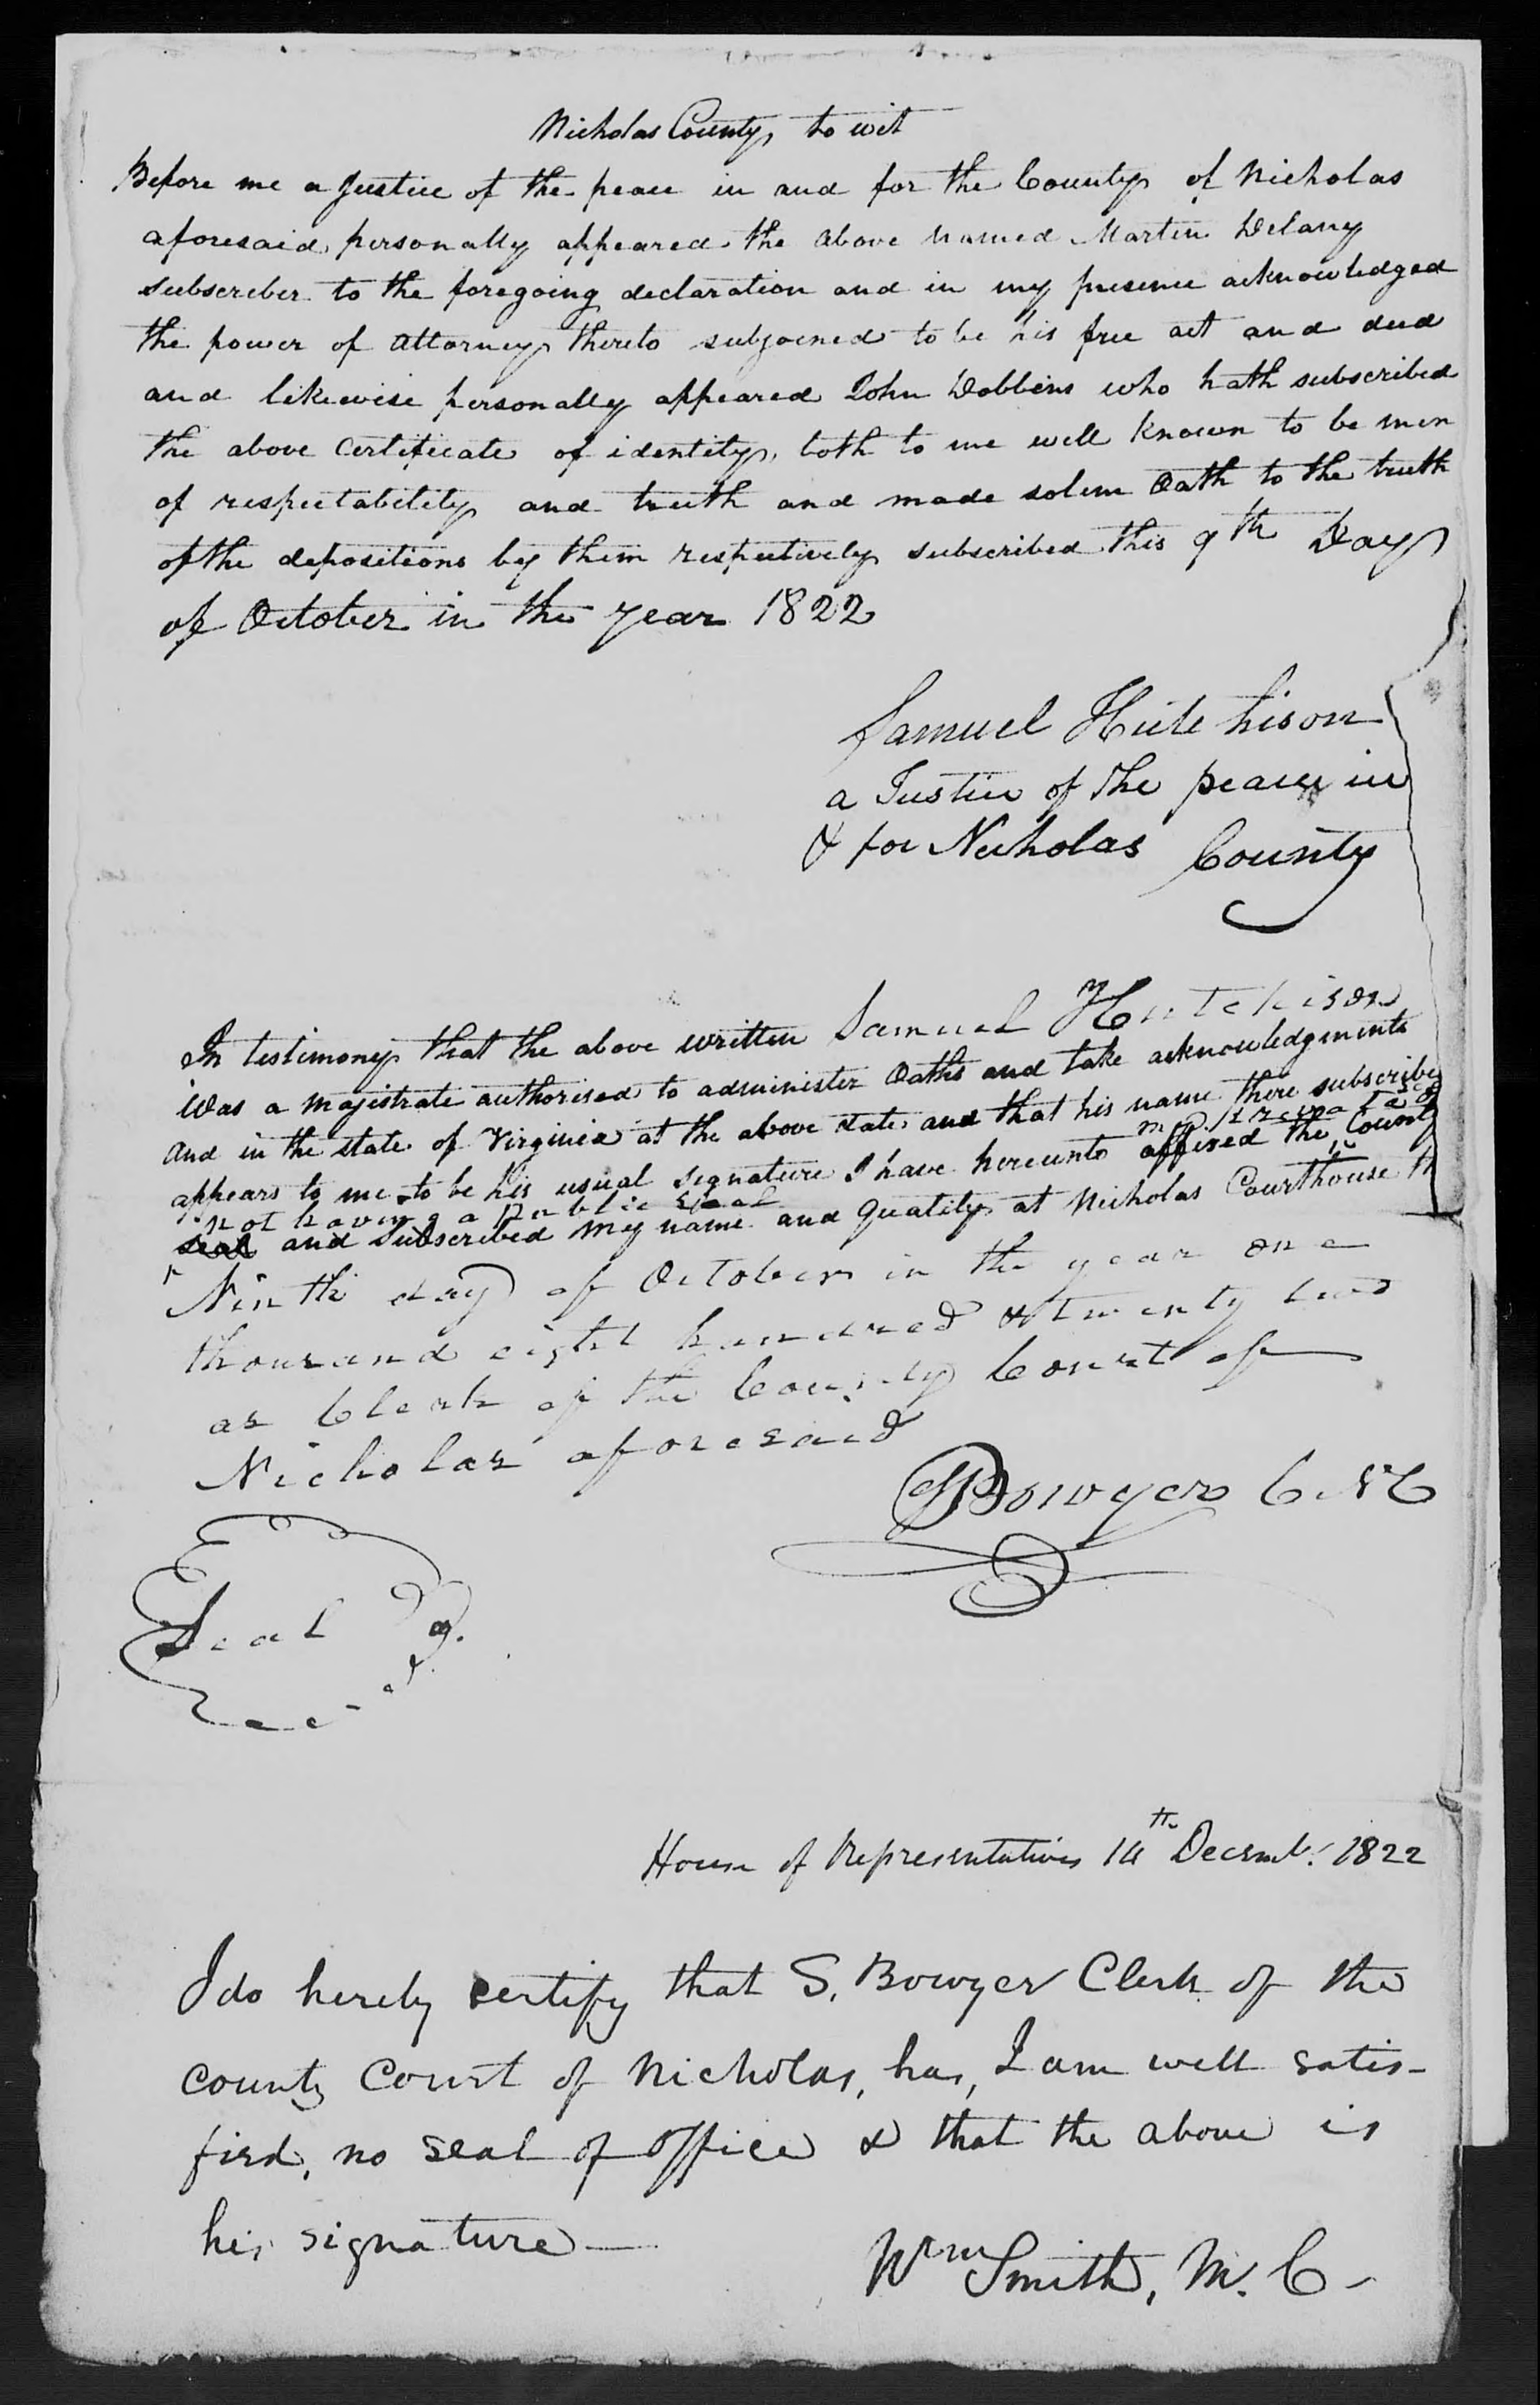Nicholas County to wit

Before me, a justice of the peace in and for the county of Nicholas aforesaid, personally appeared the above named Martin Delaney, subscriber to the foregoing declaration and in my presence acknowledged the power of attorney thereto subjoined to be his free act and deed and likewise personally appeared John Dobbins, who hath subscribed the above certificate of identity, doth to me well known to be men of respectability and truth and made solemn oath to the truth of the depositions by them respectfully subscribed this 9th day of October in the year 1822. 

Signed: Samuel Hutchinson
A justice of the peace in and for Nicholas County

In testimony that the above written Samuel Hutchinson was a magistrate authorized to administer oaths and take acknowledgement and in the state of Virginia at the above date and that his name there subscribed appears to me to be his usual signature.  I have hereunto affixed the county (illegible) and subscribed my name and quality at Nicholas Courthouse on the day of October in the year one thousand eight hundred and twenty-two as clerk of the county court of Nicholas aforesaid.
Signed: S. Bowyer

House of Representatives 16th December 1822

I do hereby certify that S. Bowyer, clerk of the county court of Nicholas, has, I am well satisfied, no seal of office and that the above is his signature. 
Signed:  Wm. Smith, M.C.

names: John Dobbins, S Bowyer, S Bowyer, Martin Delany, Samuel Hutchison, Wm Smith, Samuel Hutchison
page: 6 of 22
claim: survivor's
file: S. 3,9425, Martin Delany, Penn.